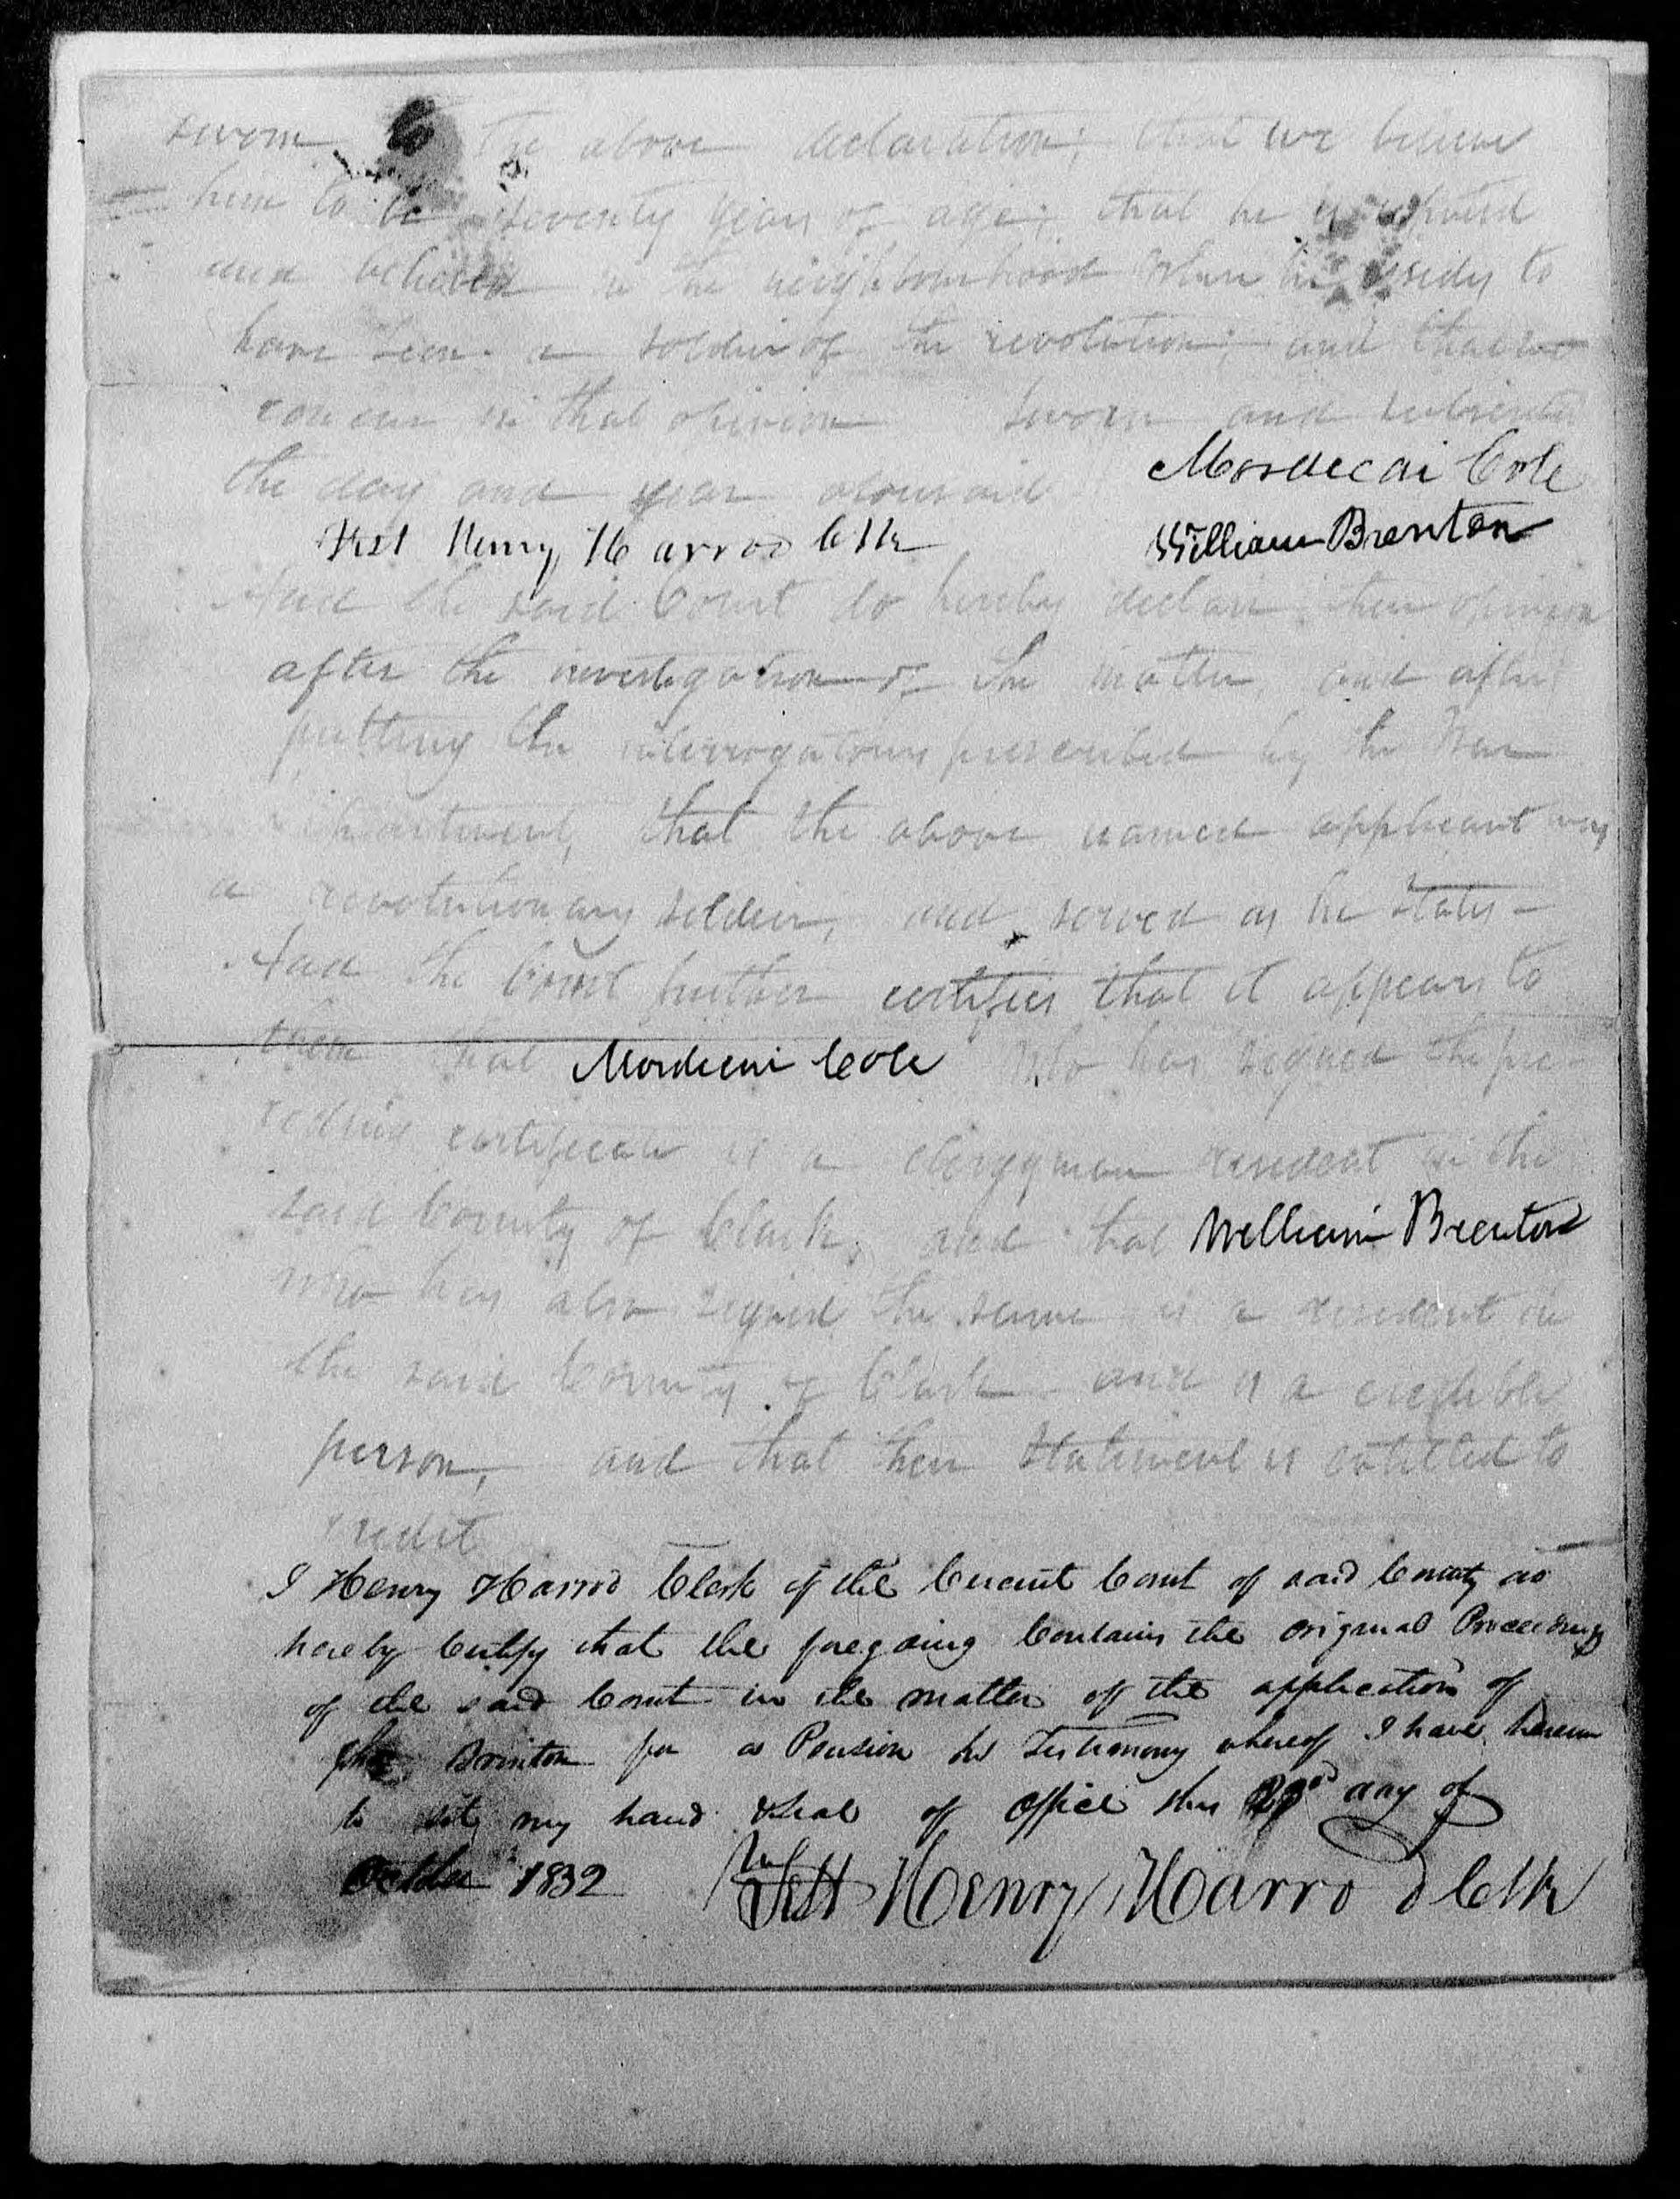sworn to the above declaration; that we believe him to be seventy years of age; that he is [illegible] and believed in the neighborhood he resides to have been a soldier of the Revolution; and that we concur in that opinion. Sworn and subscribed the day and year aforesaid. Mordecai Cole William Brenton
Henry Harrod Clk
And the said Court do hereby declare their opinion after the investigation of the matter, and after putting the interrogatories prescribed by the War Department, that the above named applicant was a revolutionary soldier, and served as he states. And the Court further certifies that it appears to them that Mordecai Cole who has signed the preceding certificate is a clergyman resident in the said County of Clark, and that William Brenton who has also signed the same is a resident of the said County of Clark and a credible person, and that their statement is entitled to credit.
I Henry Harrod Clerk of the Circuit Court of said County do hereby certify that the foregoing contains the original Proceedings of the said Court in the matter of the application of John Brenton for a Pension his Testimony whereof I have herein to with my hand & that of office this 23rd day of October 1832
Attest Henry Harrod Clerk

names: Mordicai Cole, Henry Harrod, William Brenton, William Brenton, Henry Harrod, Mordicai Cole, Henry Harrod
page: 6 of 26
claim: survivor's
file: S. 16059, John Brenton, Penn. Va.